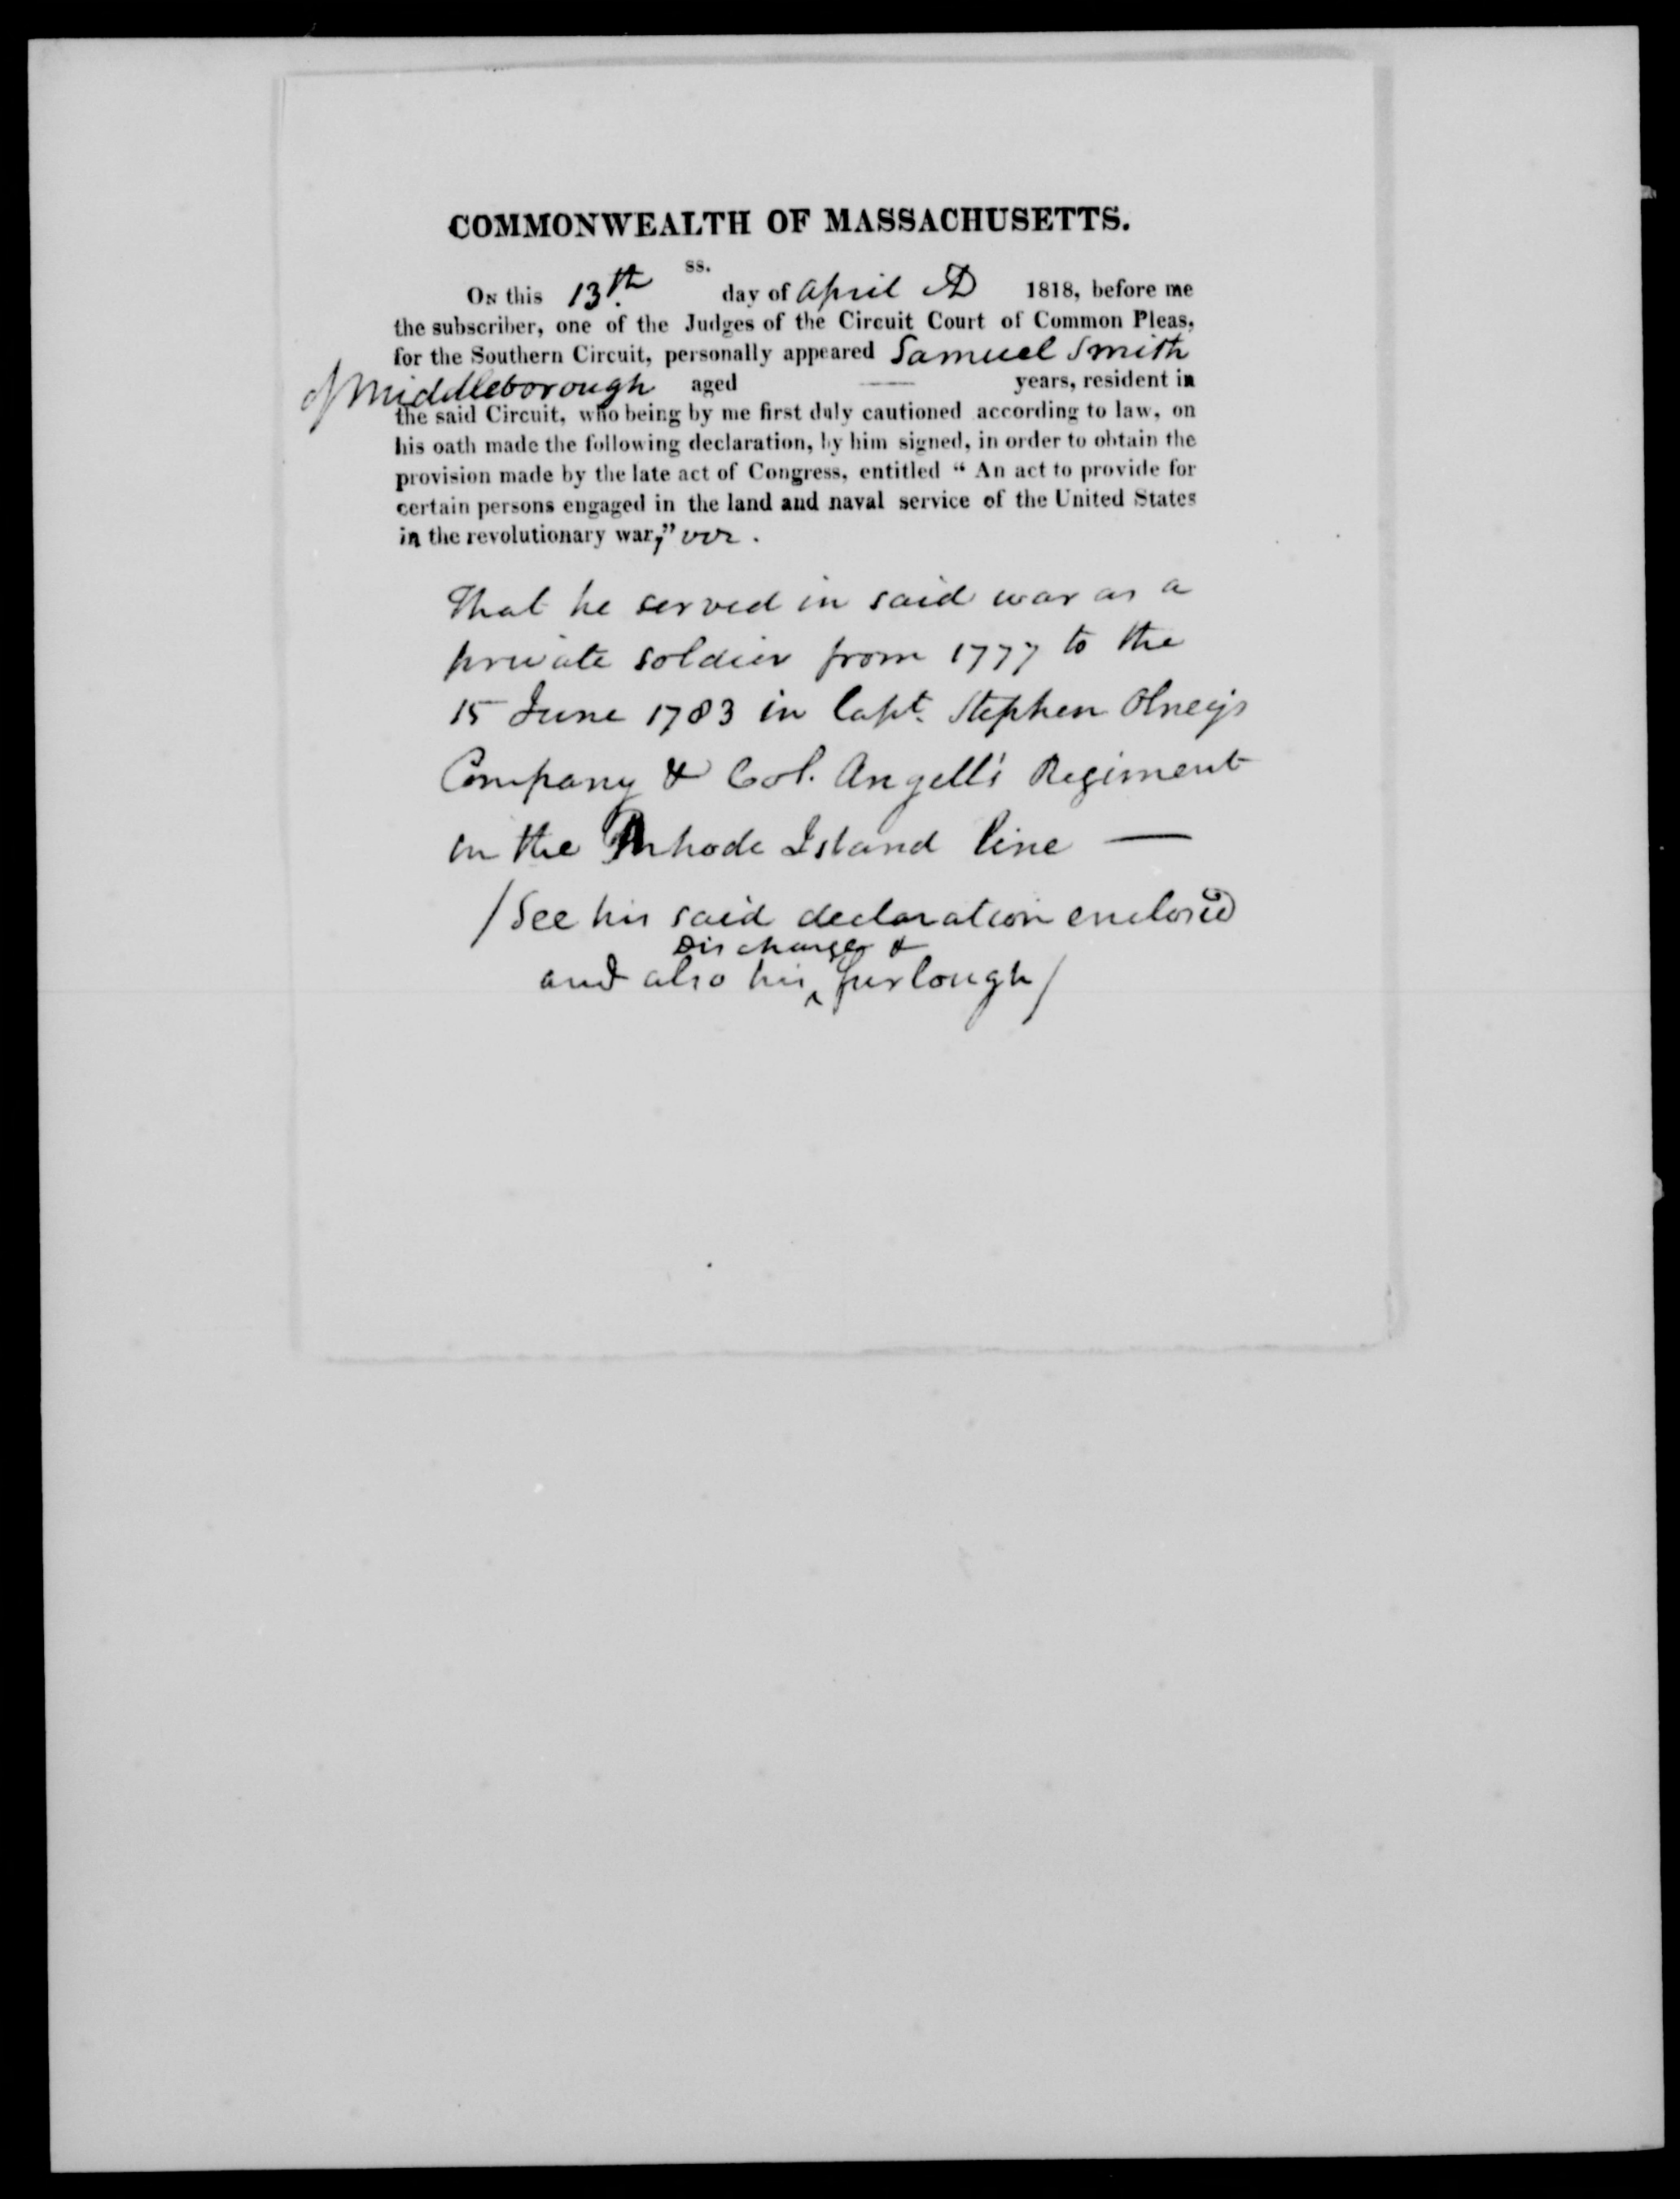COMMONWEALTH OF MASSACHUSETTS. ss.
  On this 13th day of April AD 1818, before me the subscriber, one of the Judges of the Circuit Court of Common Pleas, for the Southern Circuit, personally appeared Samuel Smith of Middleborough aged ---years, resident in the said Circuit, who being by me first duly cautioned according to law, on his oath made the following declaration, by him signed, in order to obtain the provision made by the late act of Congress, entitled "An act to provide for certain persons engaged in the land and naval service of the United States in the revolutionary war," vis.

That he served in said war as a private soldier from 1777 to the 15 June 1783 in Capt. Stephan Olney's Company and Col. Angell's Regiment on the Rhode Island line--
/See his said declaration enclosed and also  his discharge and furlough/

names: Samuel Smith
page: 6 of 14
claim: survivor's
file: S. 34,487, for Samuel Smith, Rhode Island